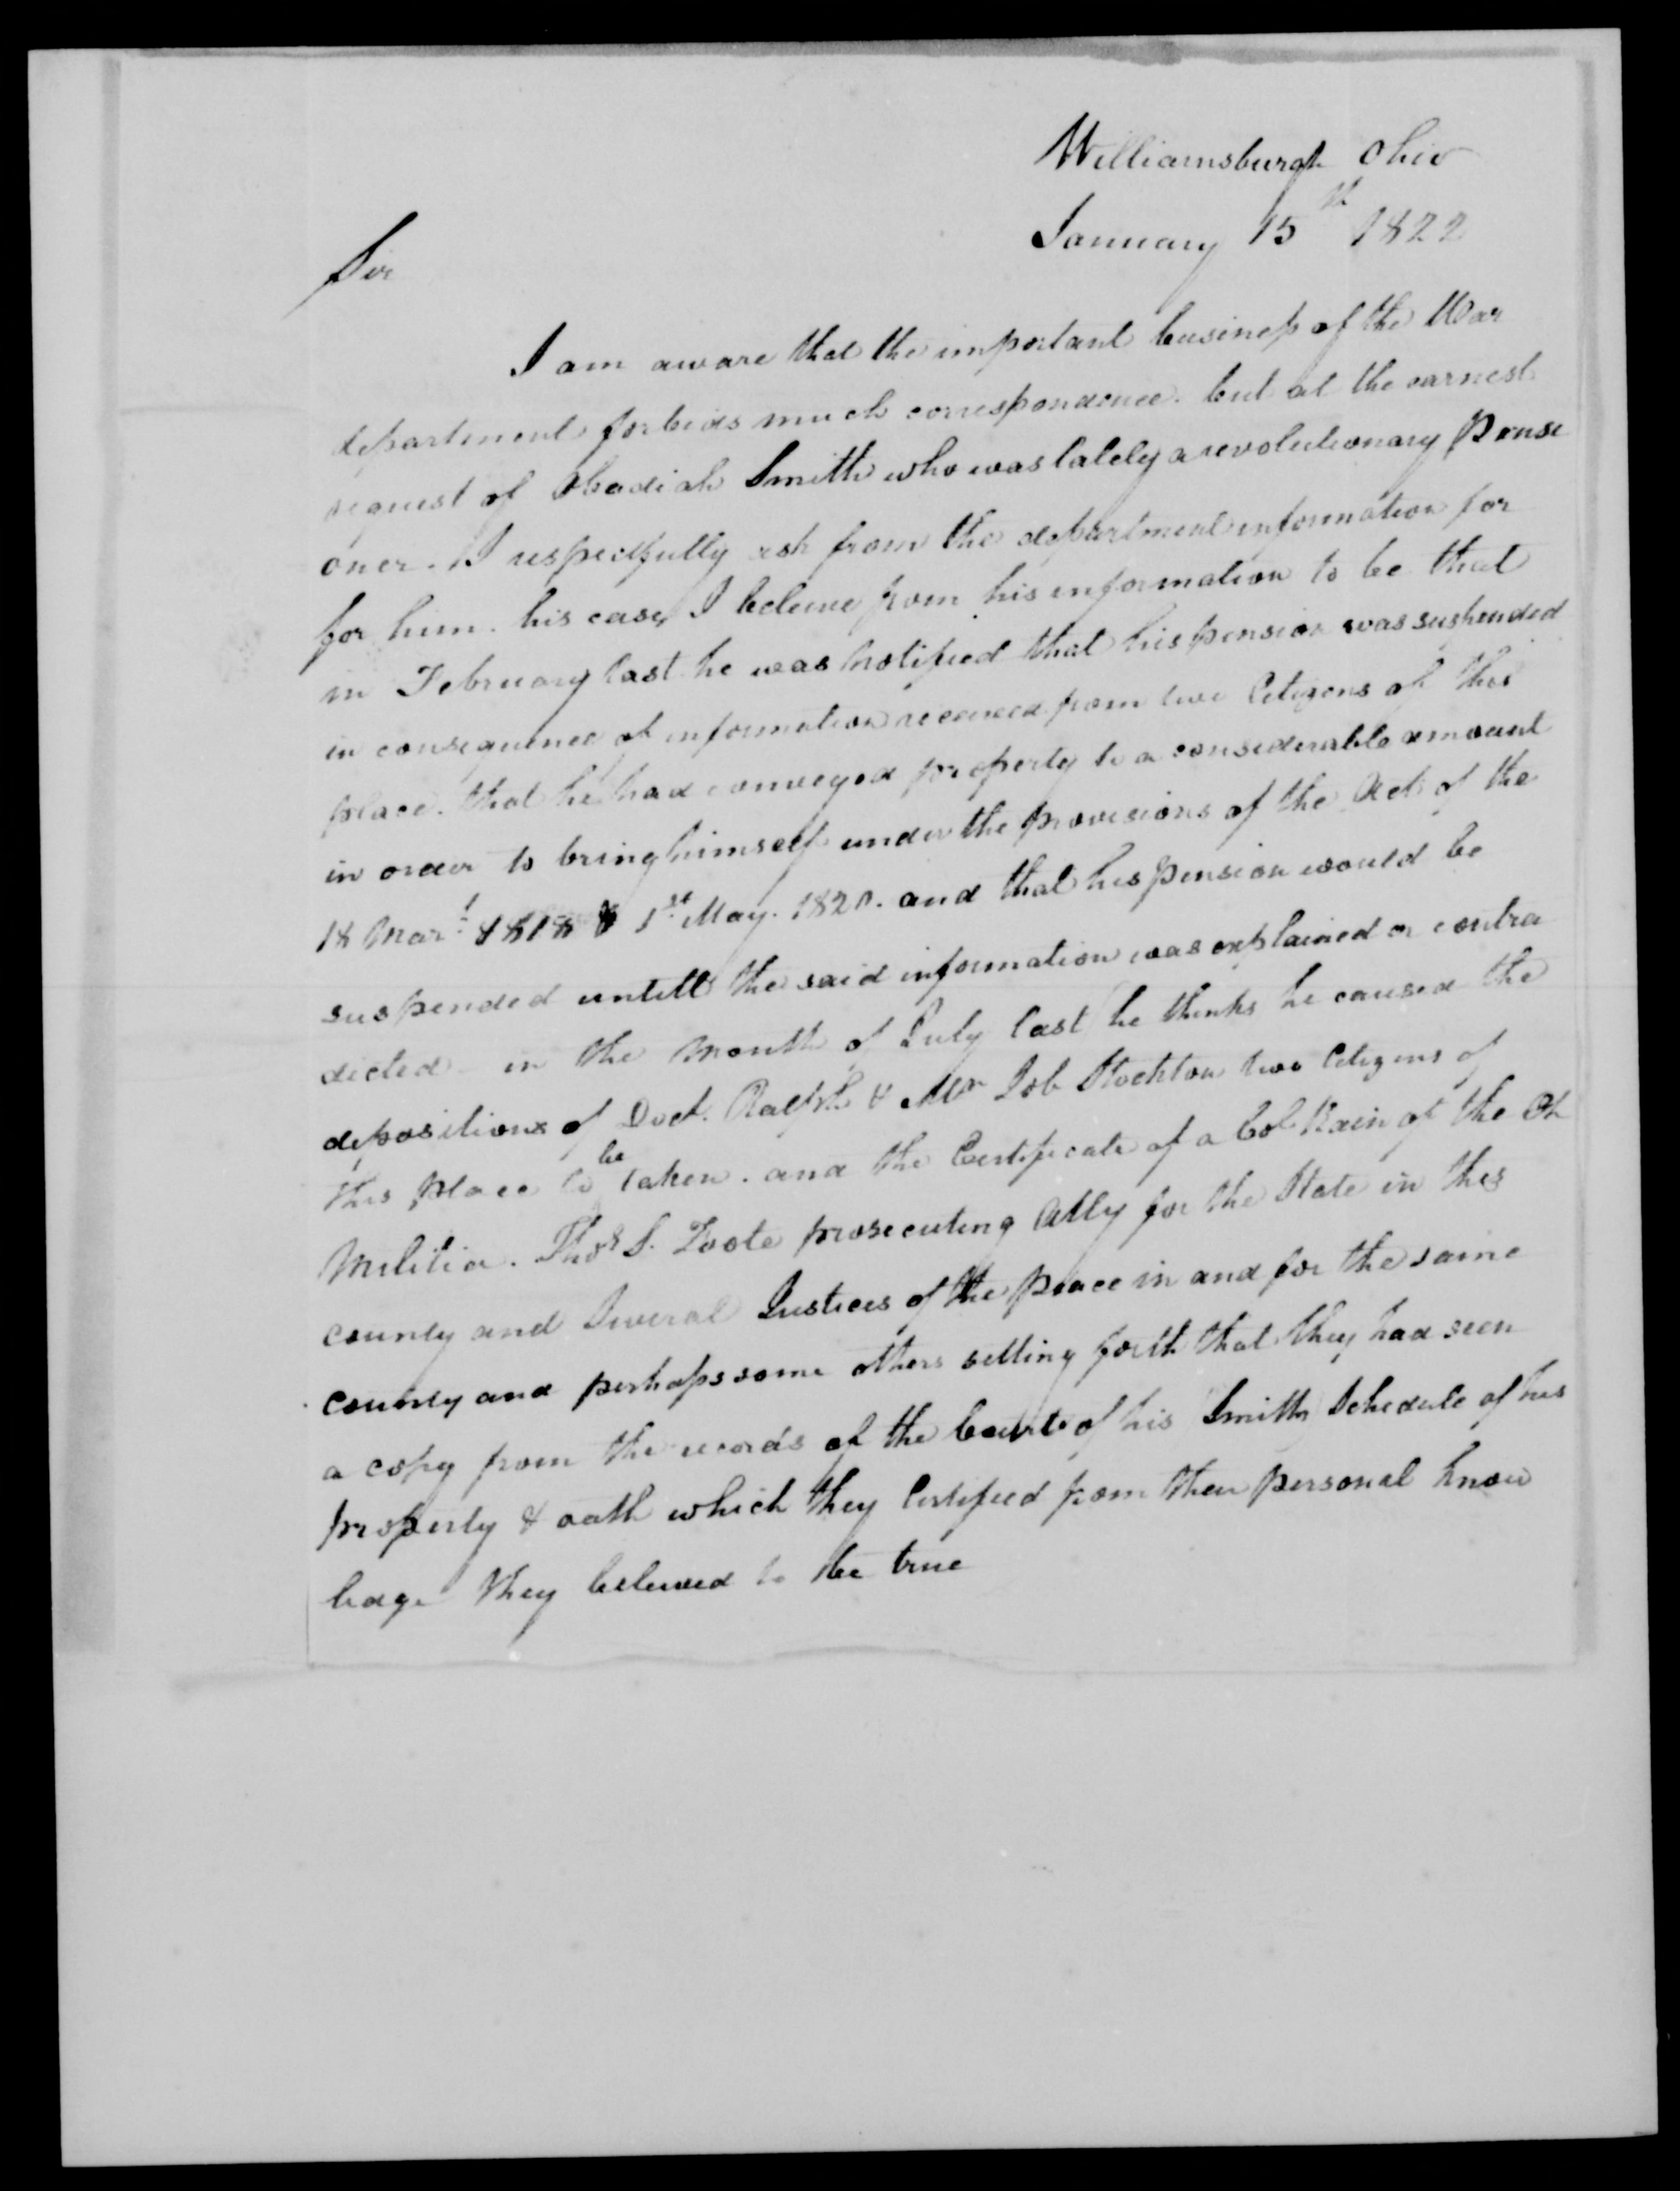Williamsburgh Ohio January 15th 1822 
Sir I am aware that the important business of the War department forbids much correspondence but at the earnest request of Obadiah Smith who was lately a revolutionary Pensioner I respectfully ask from the department information for for [sic] him his case, I believe from his information to be that in February last he was notified that his pension was suspended in consequence of information received from two Citizens of this place that he had conveyed property to a considerable amount in order to bring himself under the provisions of the Act of the 1st Mar 1818 & 1st May 1820. and that his pension would be suspended untill the said information was explained or contradicted in the month of July last he thinks he caused the deposition of Doct. Ralph & Mr Job Stockton two Citizens of this place to be taken and the Certificate of a Col Kain of the Oh Militia. Thos S. Foote prosecuting Atty for the State in this county and Several Justices of the Peace in and for the same county and perhaps some others setting forth that they had seen a copy from the records of the Court of his Smiths Schedule of his property & oath which they Certified from their personal knowledge they believed to be true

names: Obadiah Smith; Job Stockton; Thos S Foote; [BLANK] Kain; [BLANK] Smith; [BLANK] Ralph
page: 41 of 66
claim: survivor's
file: S 40458, for Obadiah Smith, New York